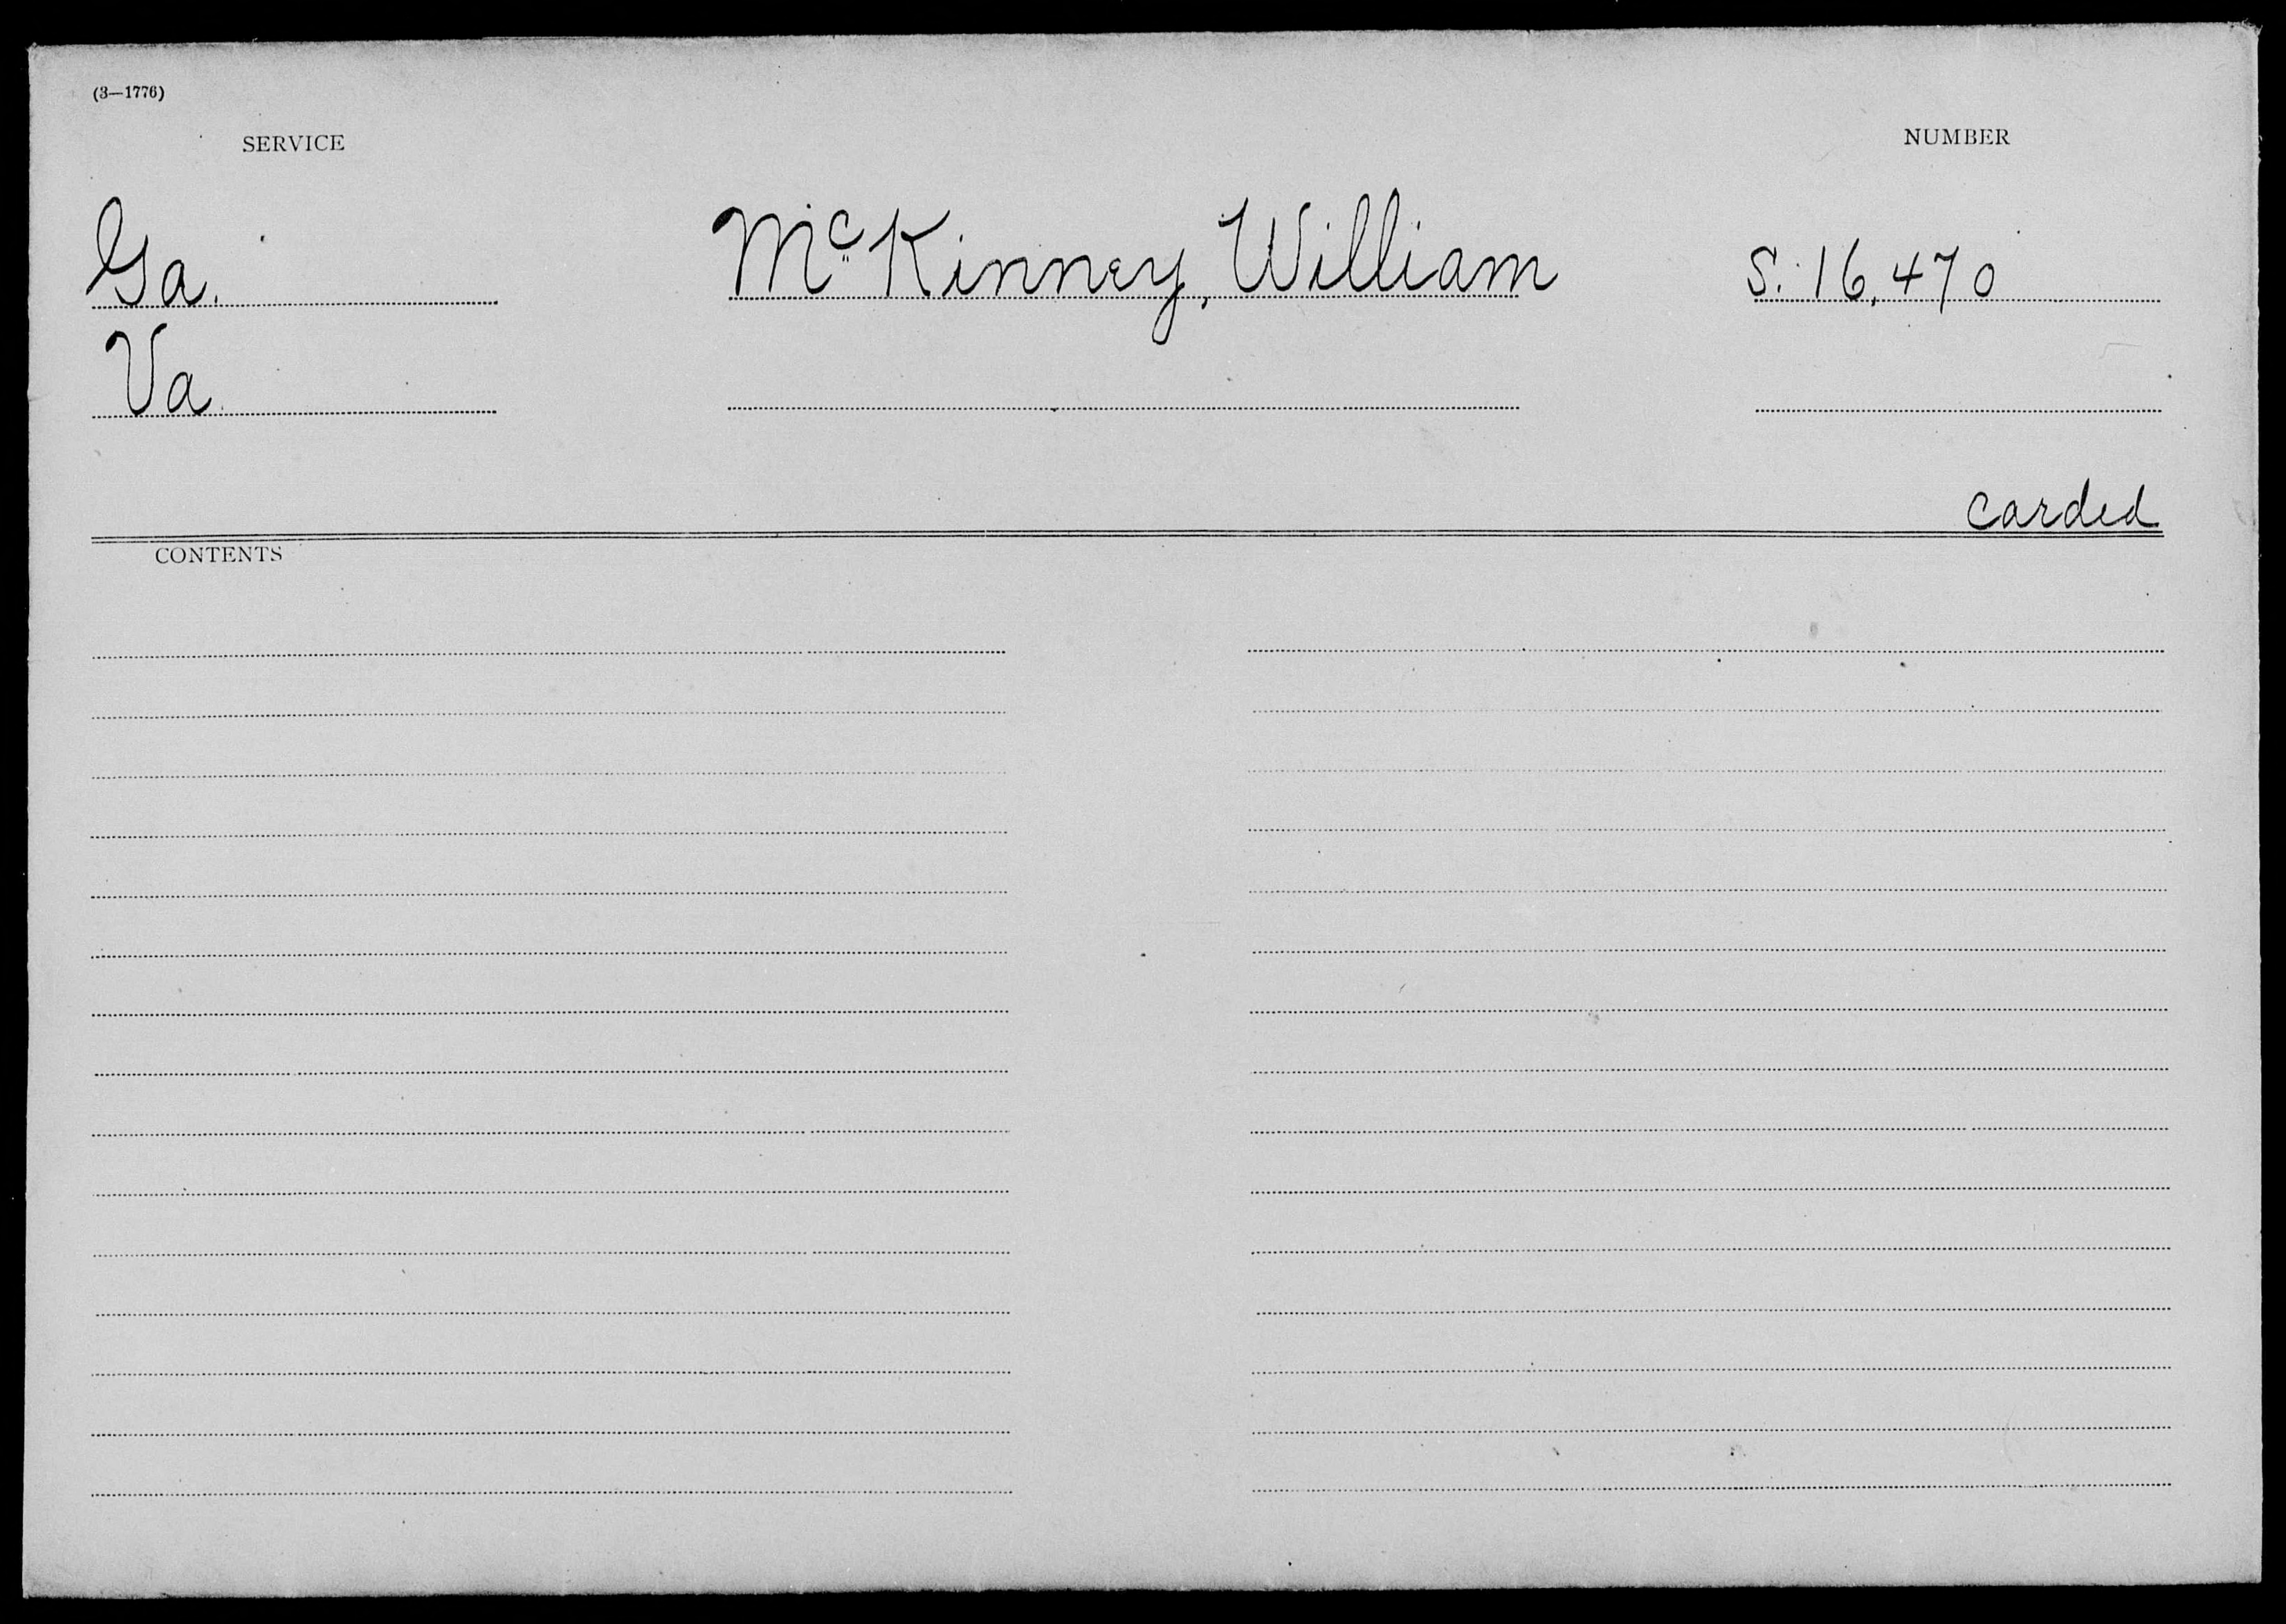Service Ga. Va
McKinney, William 
Number S.16470
Carded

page: 1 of 28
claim: survivor's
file: S. 16,470, for William Mc Kinney, Georgia